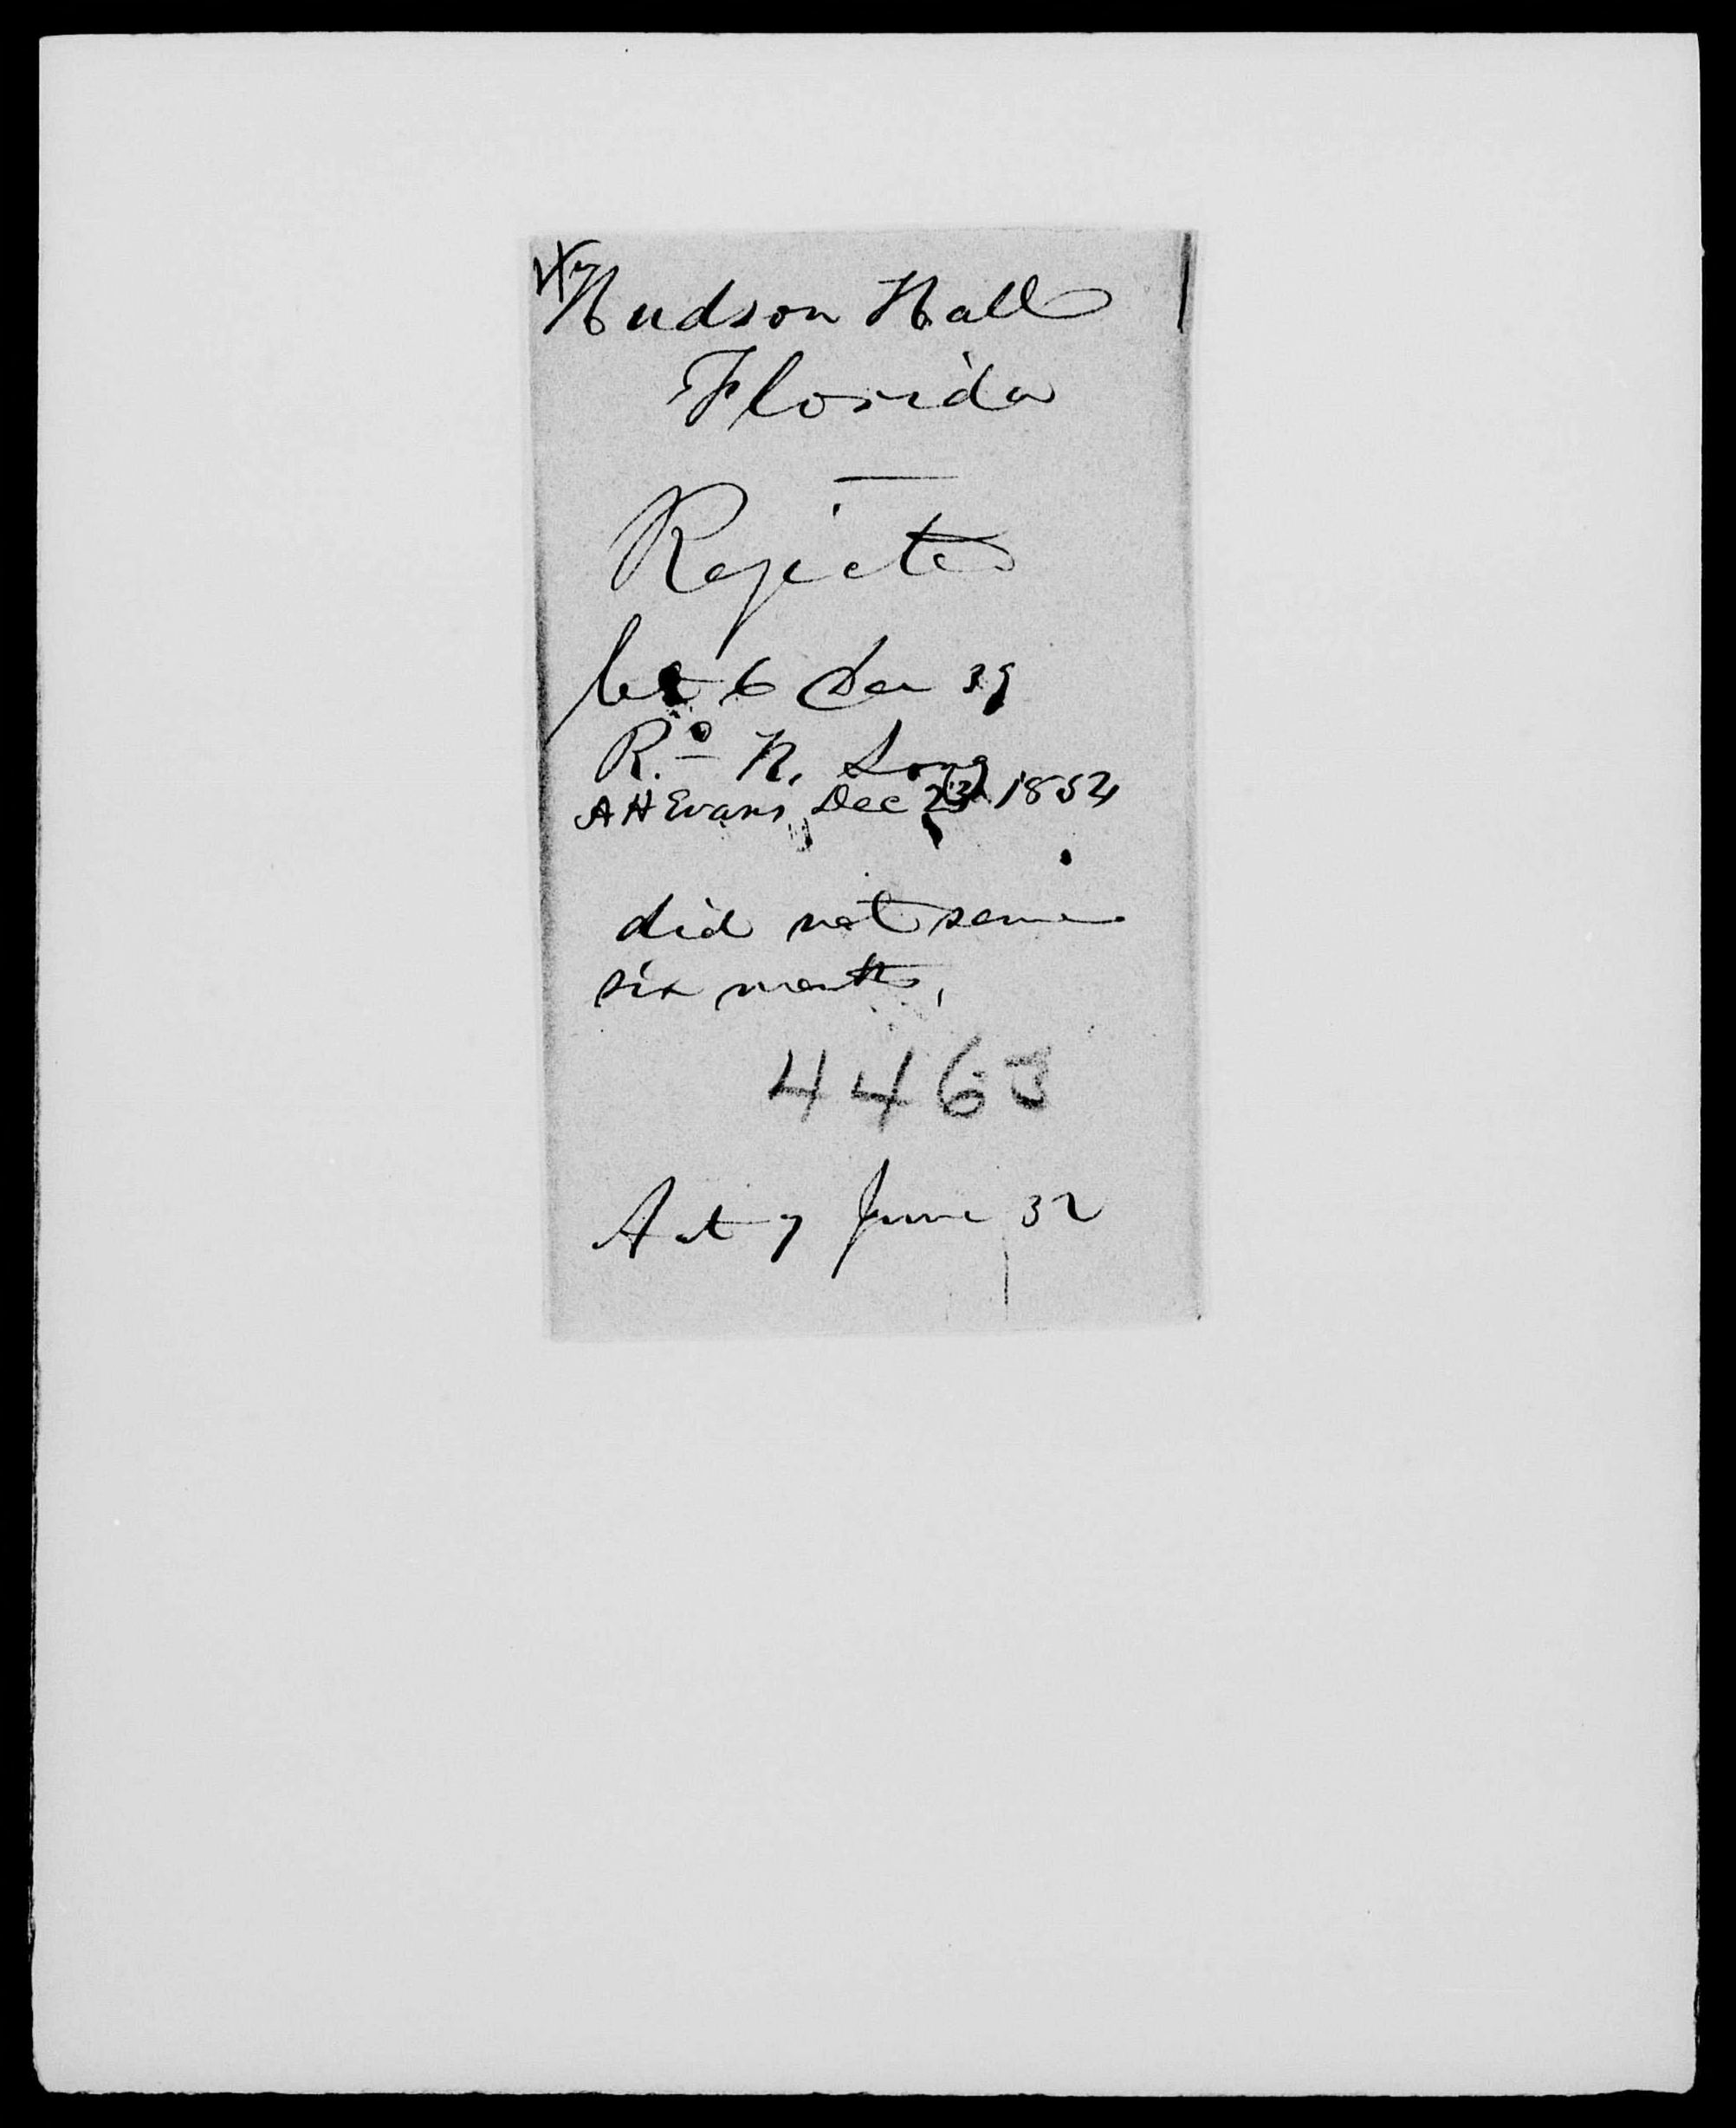[Checkmark/X]
Hudson Hall
Florida
Rejected 
[Illegible] 
R.o N. Song
A H Evans December 23 1852,
did not serve
six months
4463
[Illegible] June [Illegible]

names: A H Evans, Hudson Hall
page: 10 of 14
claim: rejected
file: R. 4463, Hall Hudson, S.C.